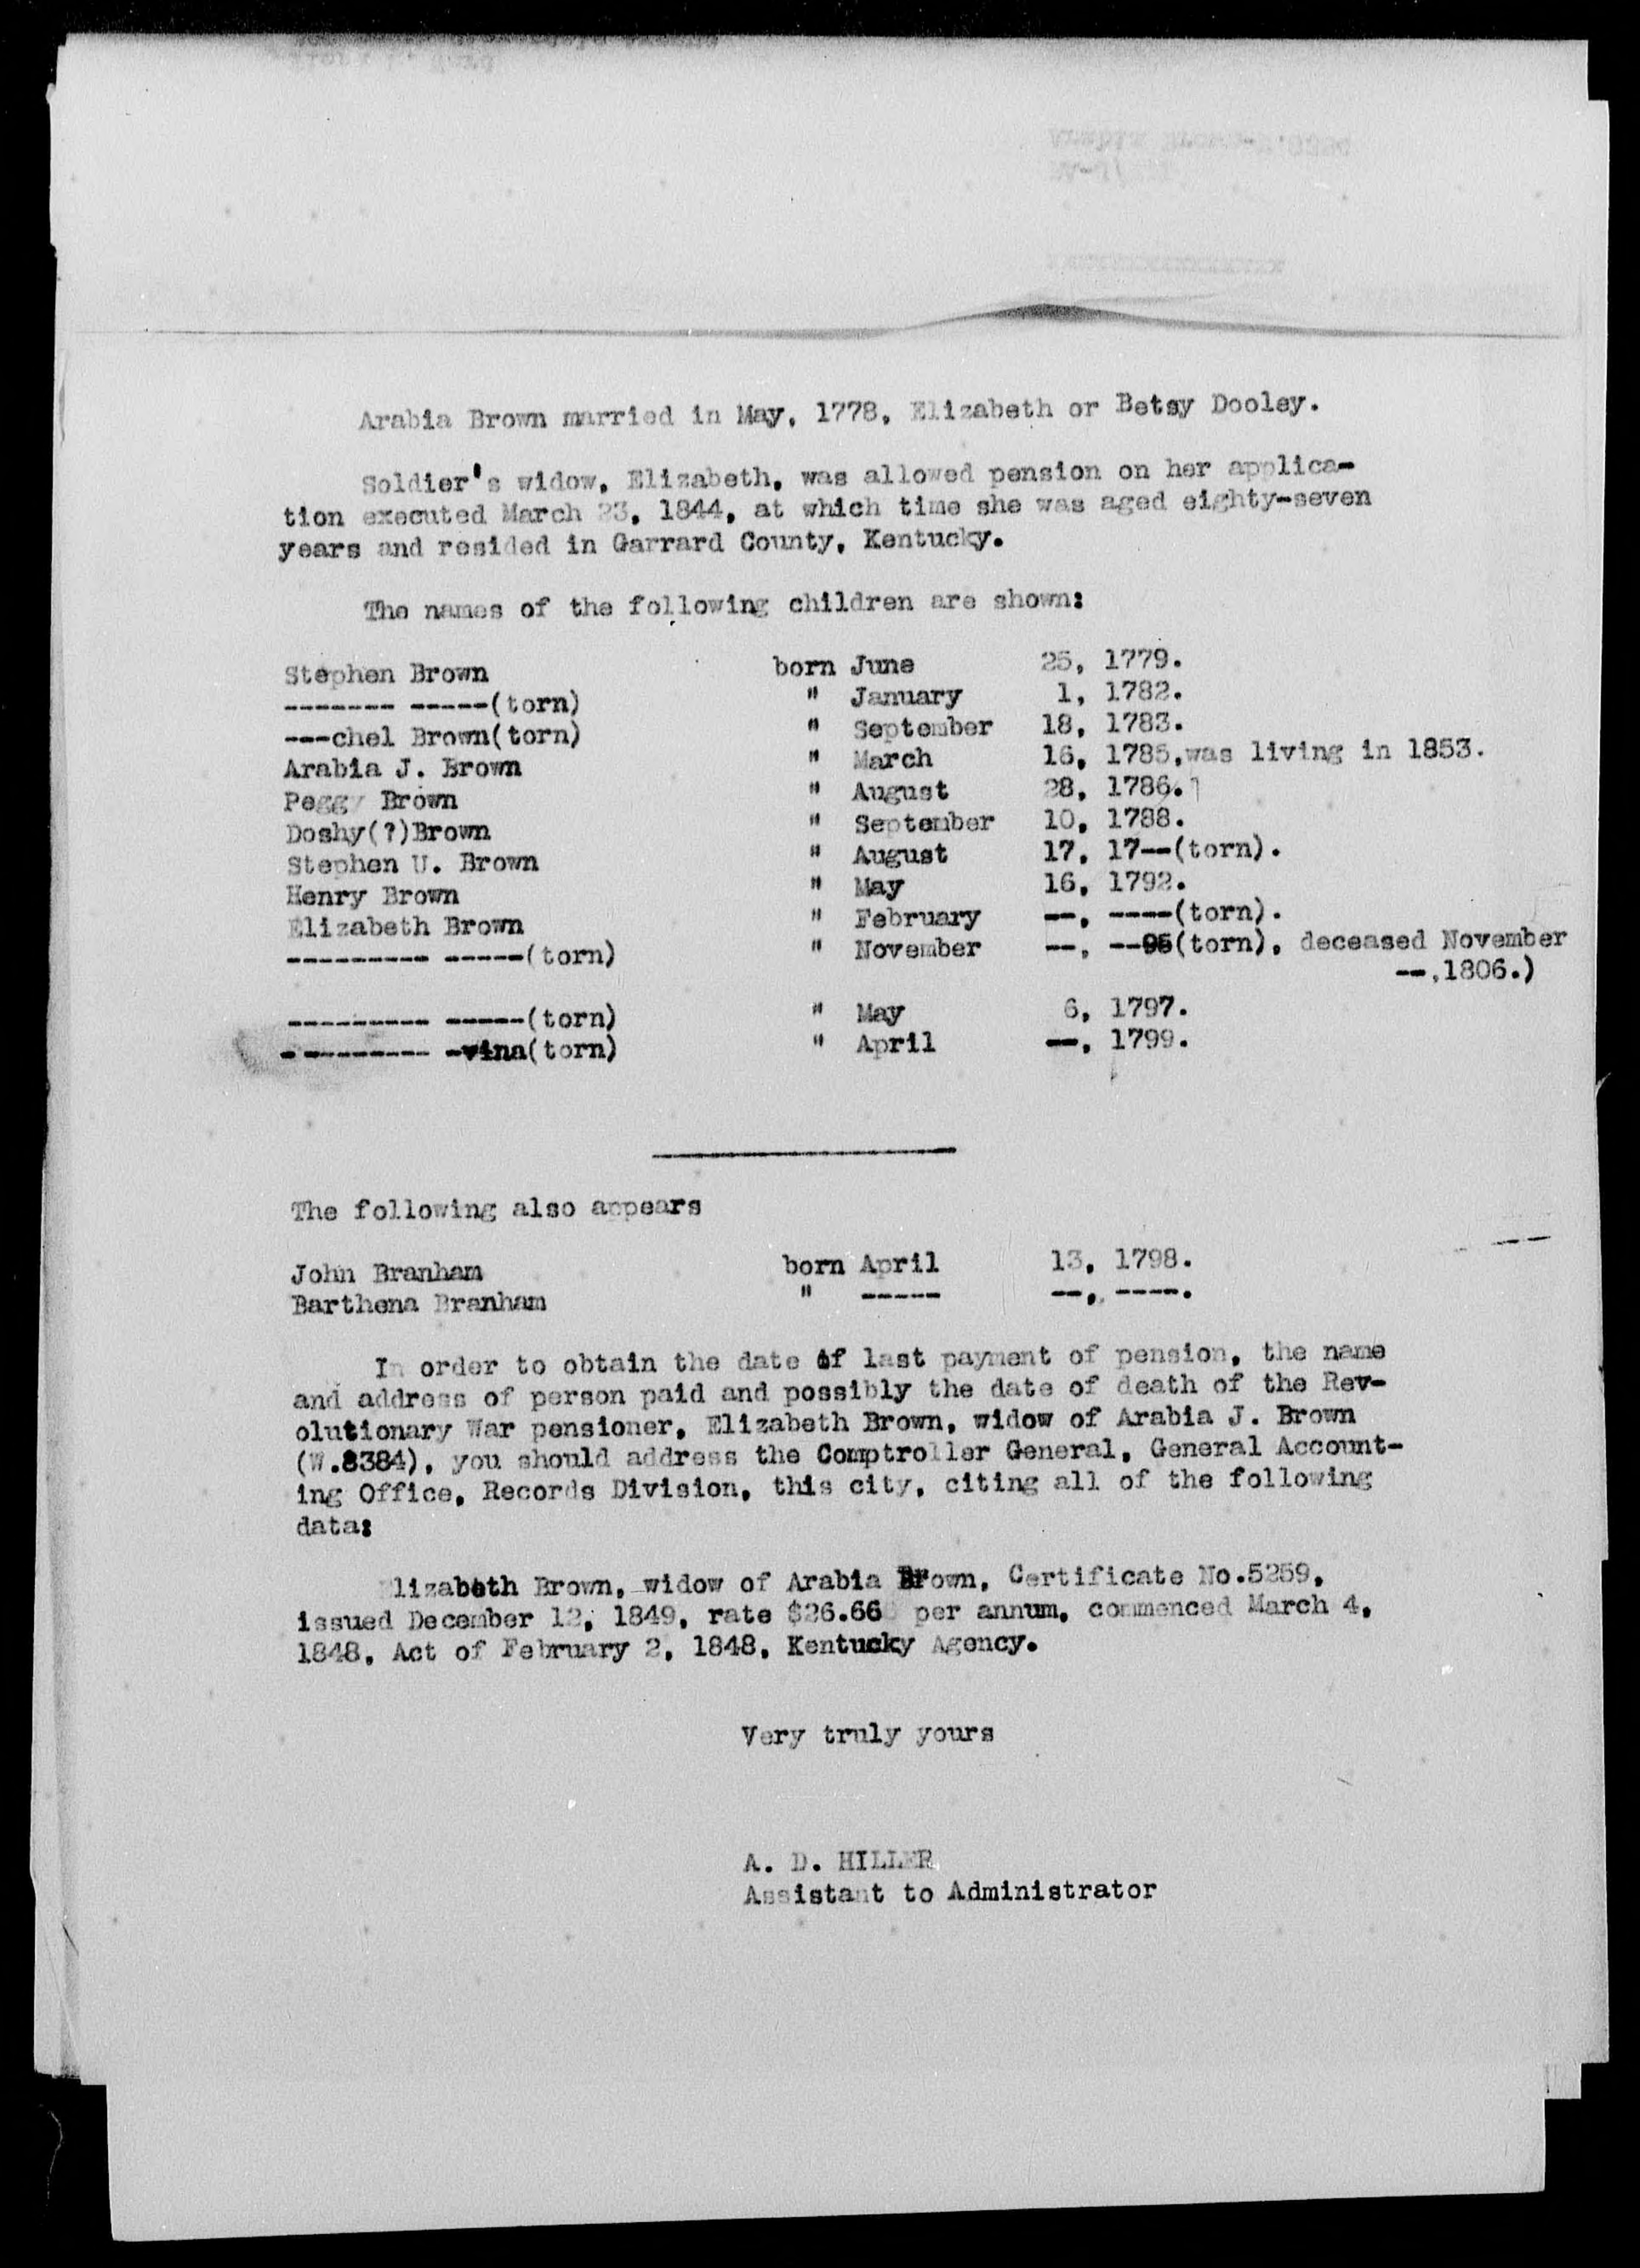Arabia Brown married in May, 1778, Elizabeth or Betsy Dooley.
Soldier's widow, Elizabeth, was allowed pension on her applica-tion executed March 23, 1844, at which time she was aged eighty-seven years and resided in Garrard County, Kentucky.
The names of the following children are shown:
Stephen Brown        born June       25, 1779.
------- -----(torn)       "    January     1, 1782.
---chel Brown(torn)   "    September 18, 1783.
Arabia J. Brown         "    March         16, 1785,was living in 1853.
Peggy Brown            "    August      28, 1786.
Doshy(?)Brown         "    September 10, 1788.
Stepehen U. Brown   "   August     17, 17-(torn).    
Henry Brown            "    May         16, 1792.
Elizabeth Brown      "   February  --, ----(torn).
--------- -----(torn) "   November --, --95(torn), deceased November --, 1806.)
--------- -----(torn)  "  May   6, 1797.
--------- -vina(torn)  "  April  --, 1799.
The following also appears
John Branham         born April 13, 1798.
Barthena Branham    "     -----  --, ----.
In order to obtain the date of last payment of pension, the name and address of person paid and possibly the date of death of the Rev-olutionary War pensioner, Elizabeth Brown, widow of Arabia J. brown (W.8384), you should address the Comptroller general, General Account-ing Office, Records Division, this city, citing all of the following data:
Elizabeth brown, widow of Arabia Brown, Certificate No.5259, issued December 12, 1849, rate $26.66 per annum, commenced March 4, 1848, Act of February 2, 1848, Kentucky Agency. 
Very truly yours
A. D. HILLER
Assistant to Administrator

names: Arabia J Brown, Henry Brown, Arabia Brown, Elizabeth Brown, Elizabeth Brown, Barthena Branham, A D Hiller, Arabia J Brown, Chel Brown, Doshy Brown, Elizabeth Brown, Stephen U Brown, John Branham, Arabia Brown, Stephen Brown, Peggy Brown, Elizabeth Dooley, Betsy Dooley, Elizabeth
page: 41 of 65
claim: widow's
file: W. 8384, Arabia Brown, Va.